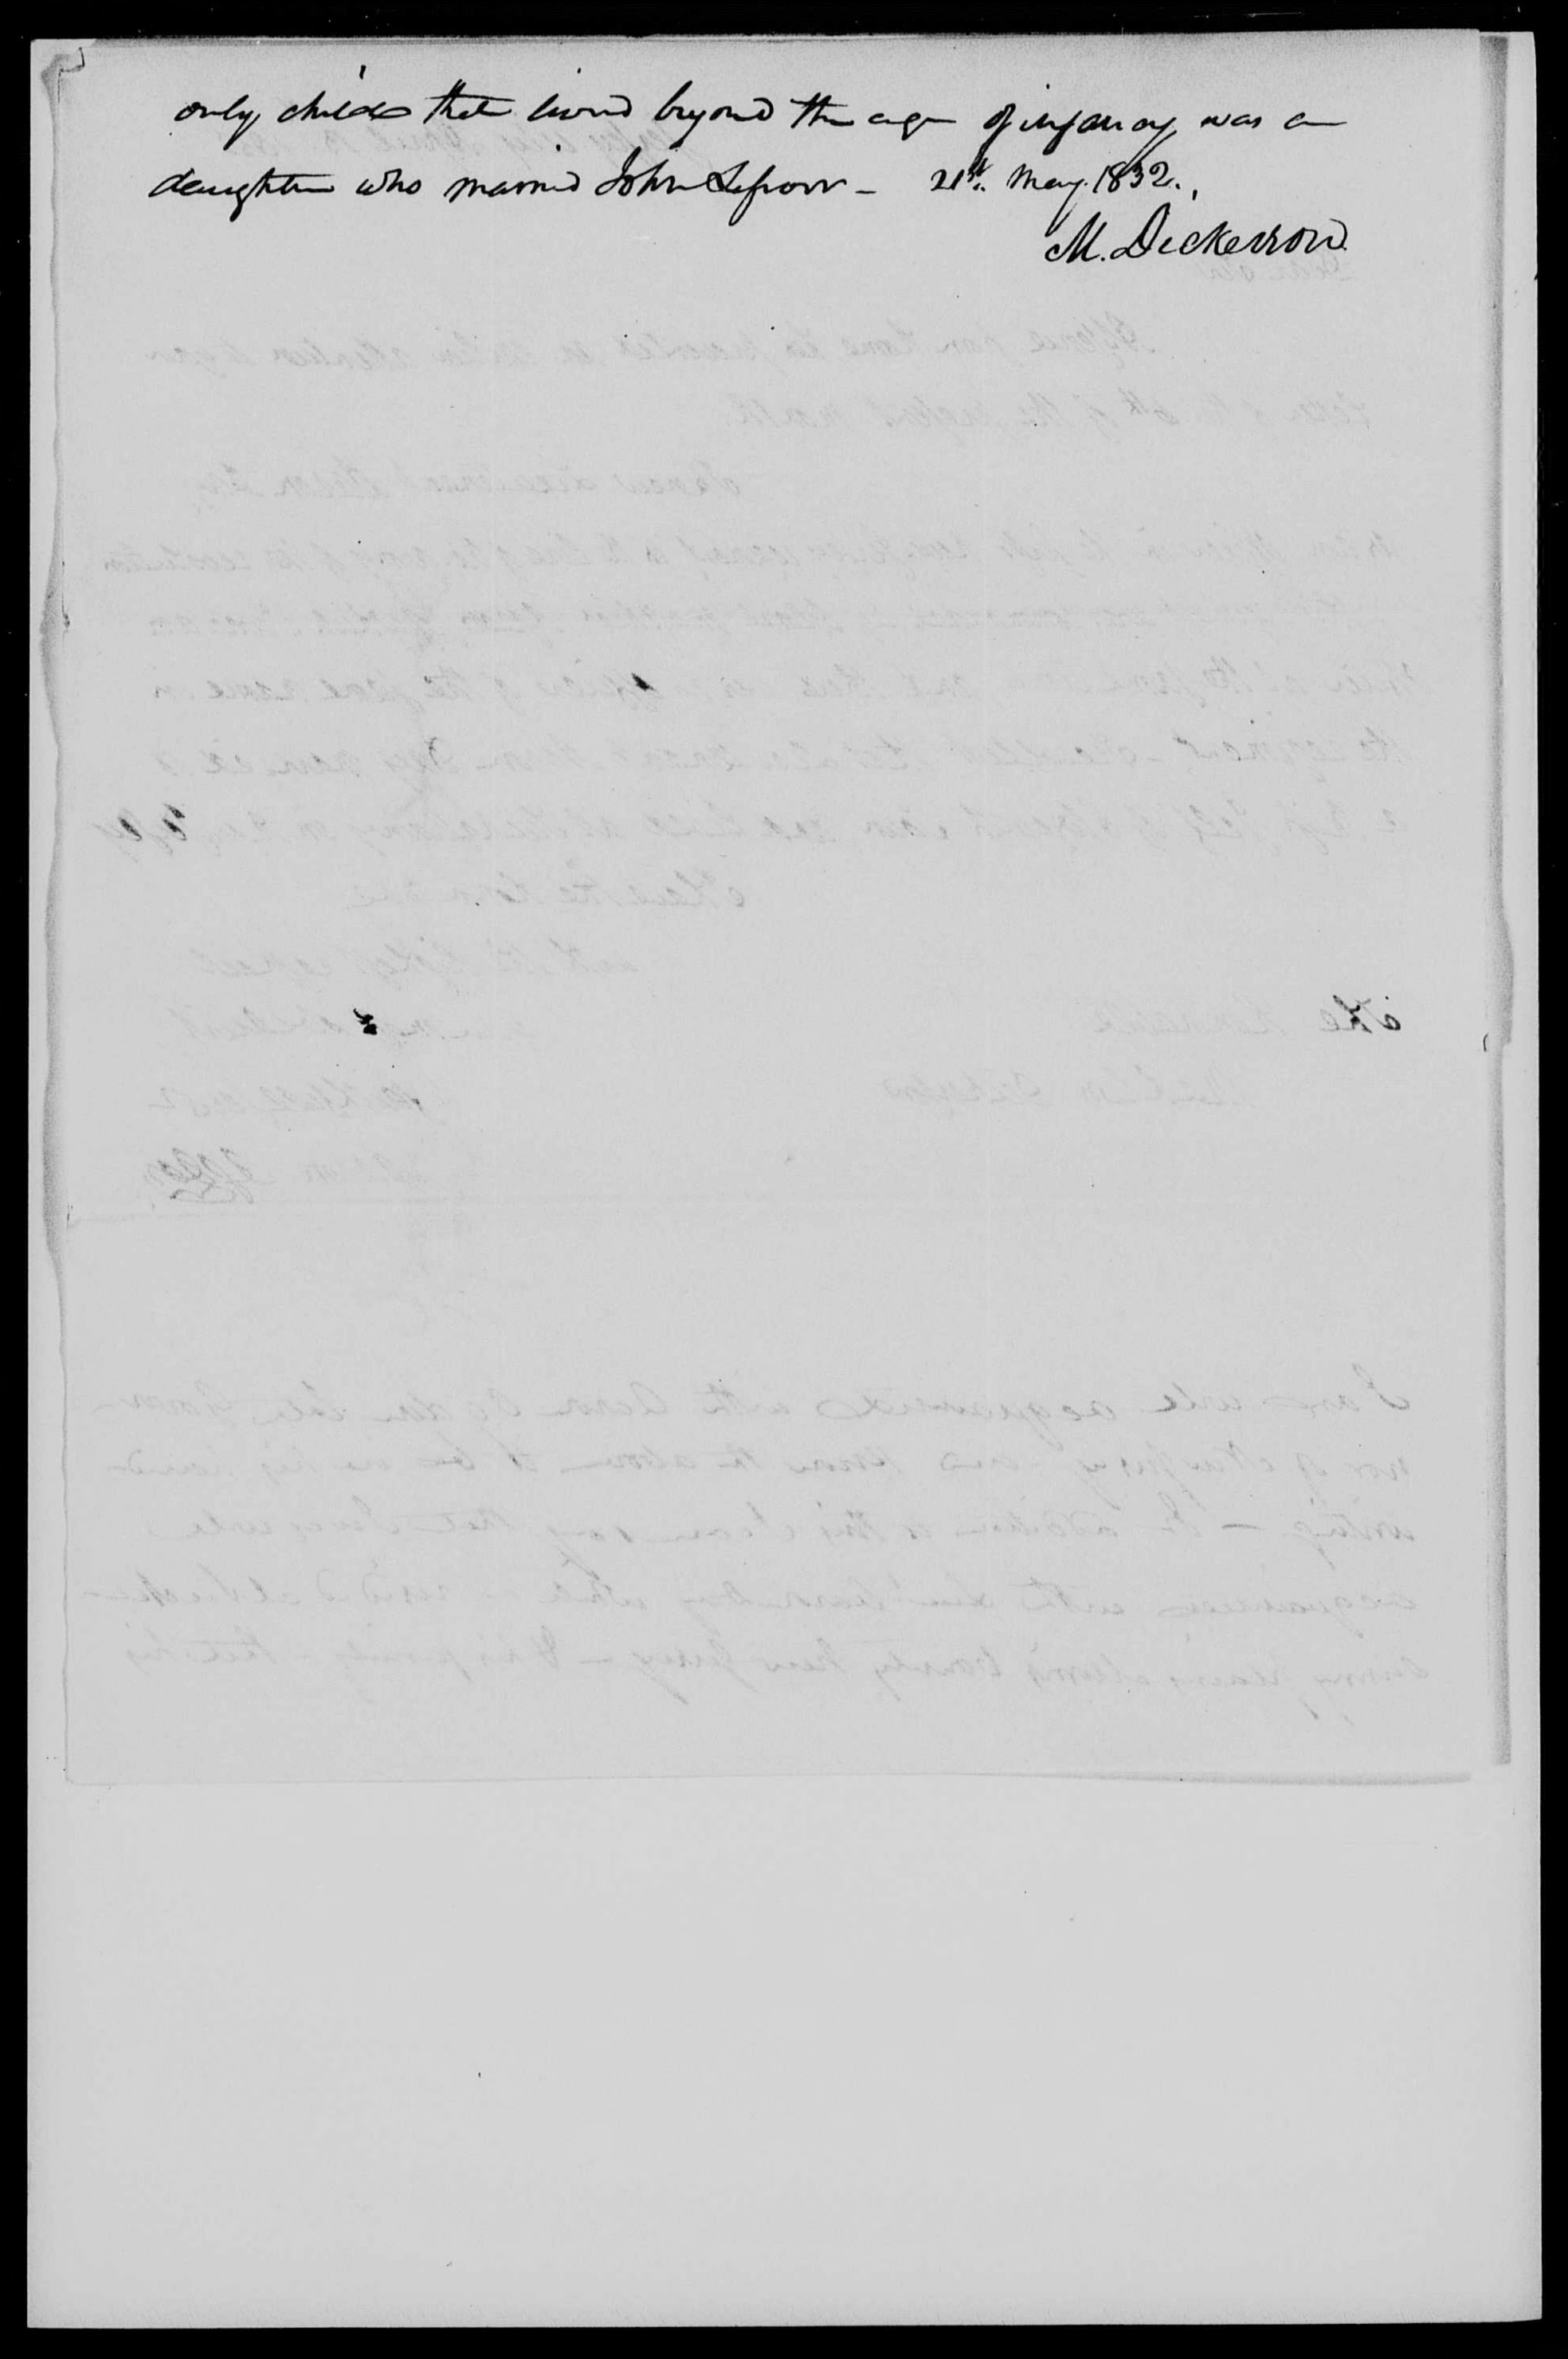only child that lived beyond the age of infancy was a daughter who married John Lefever.  21st May 1832., [signed] M. Dickerson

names: John Lefever, M Dickerson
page: 8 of 15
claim: bounty land warrant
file: B. L. Wt. 1849-200, Aaron Day, New Jersey